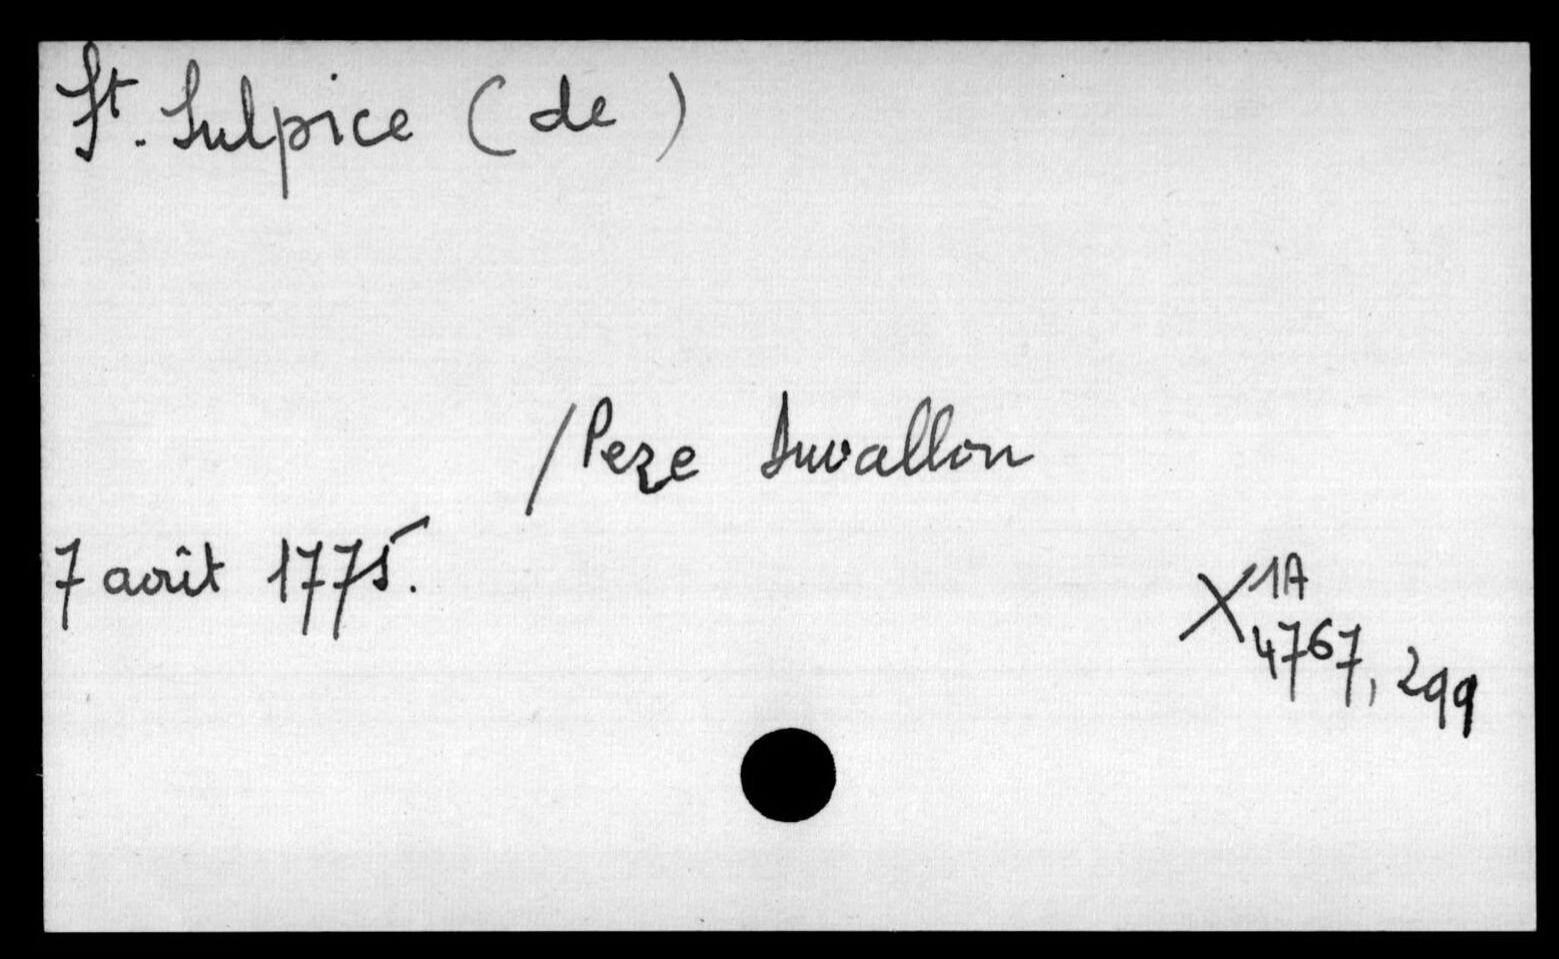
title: Saint-Sulpice (de)
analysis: Contre Pere Duvallon
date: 7 août 1775
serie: X1A
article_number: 4767
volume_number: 299
